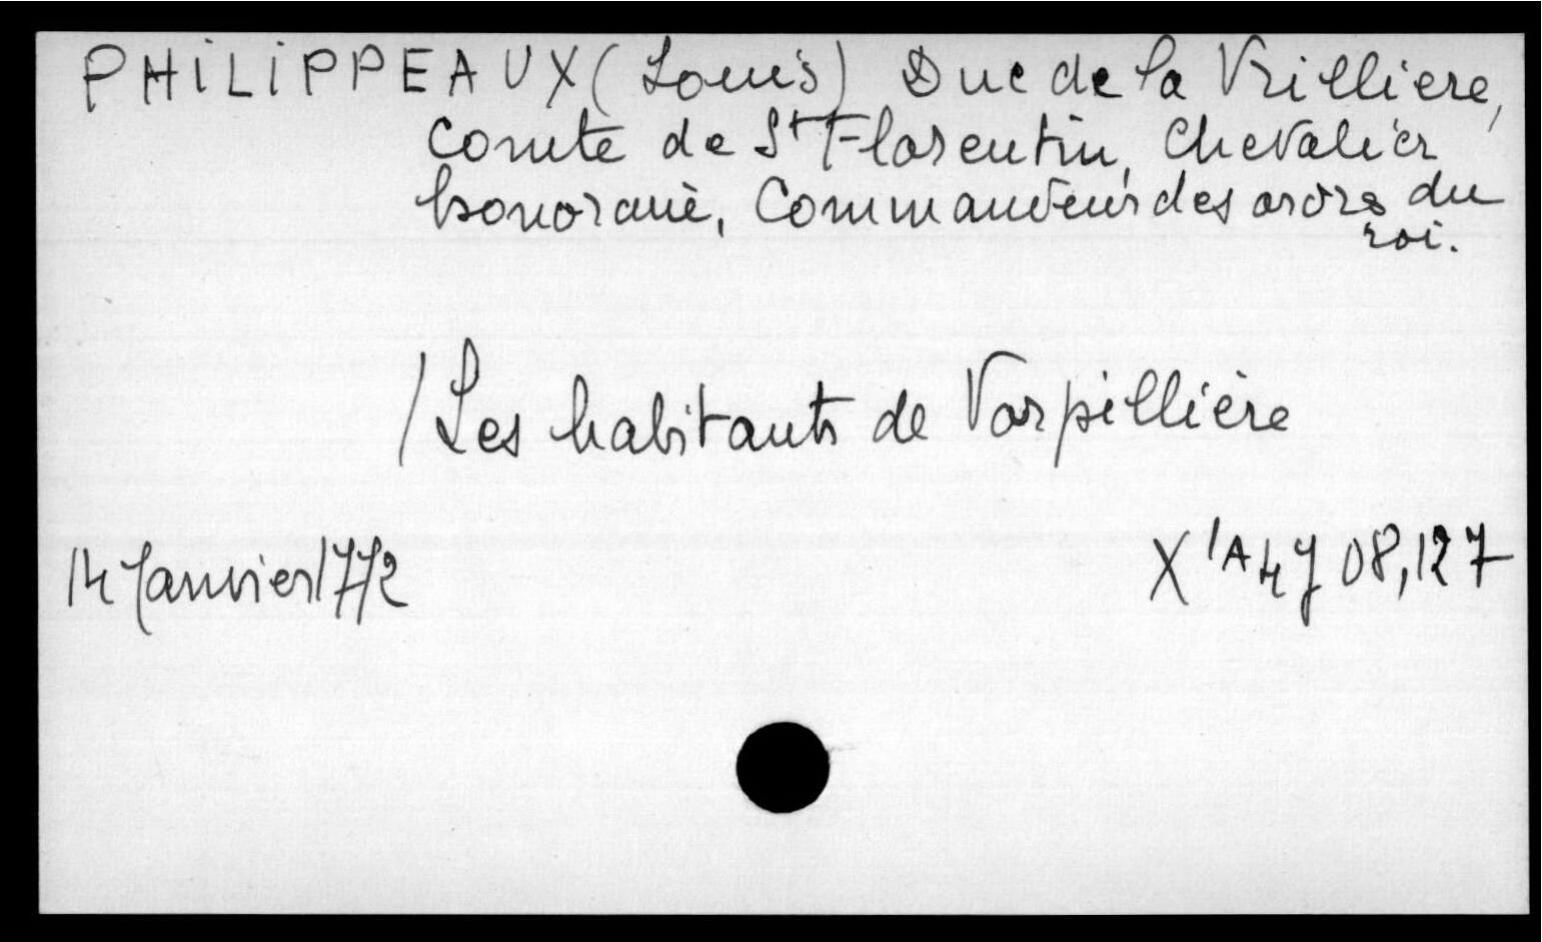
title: PHILIPPEAUX (Louis) Duc de la Vrilière, comte de Saint-Florentin, chevalier honoraire, commandeur des ordres du roi.
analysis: Contre les habitants de Varpillière
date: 14 janvier 1772
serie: X1A
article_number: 4708
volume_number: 127
